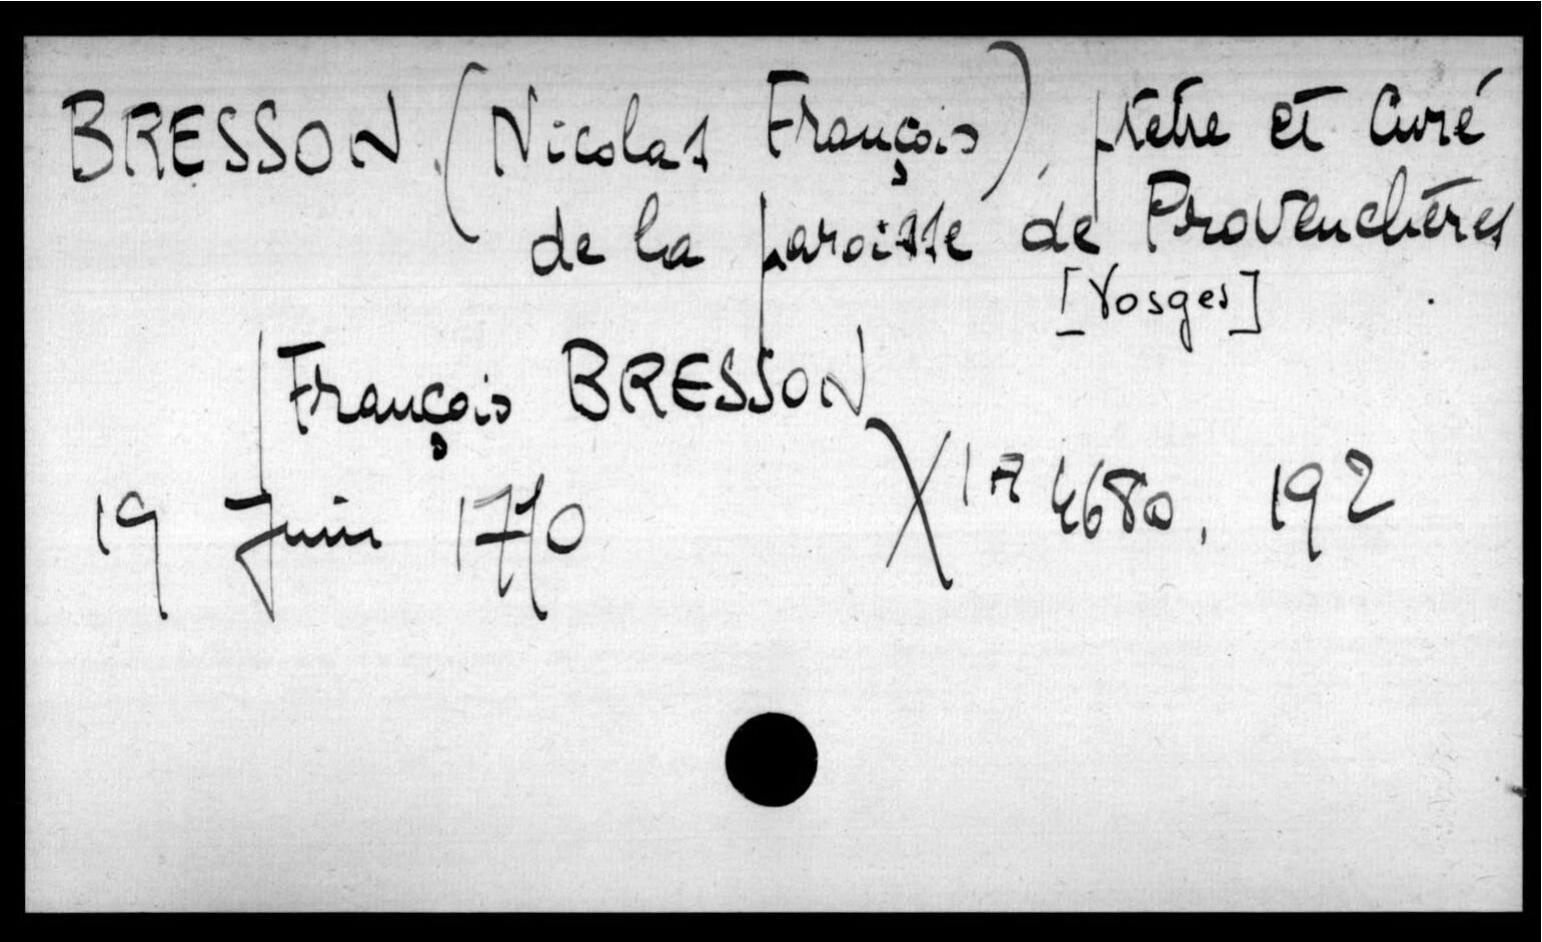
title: BRESSON (Nicolas François), prêtre et Ciré de la paroisse de Provenchères [Vosges]
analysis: Contre François BRESSON
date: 19 juin 1770
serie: X1A
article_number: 4680
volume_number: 192
